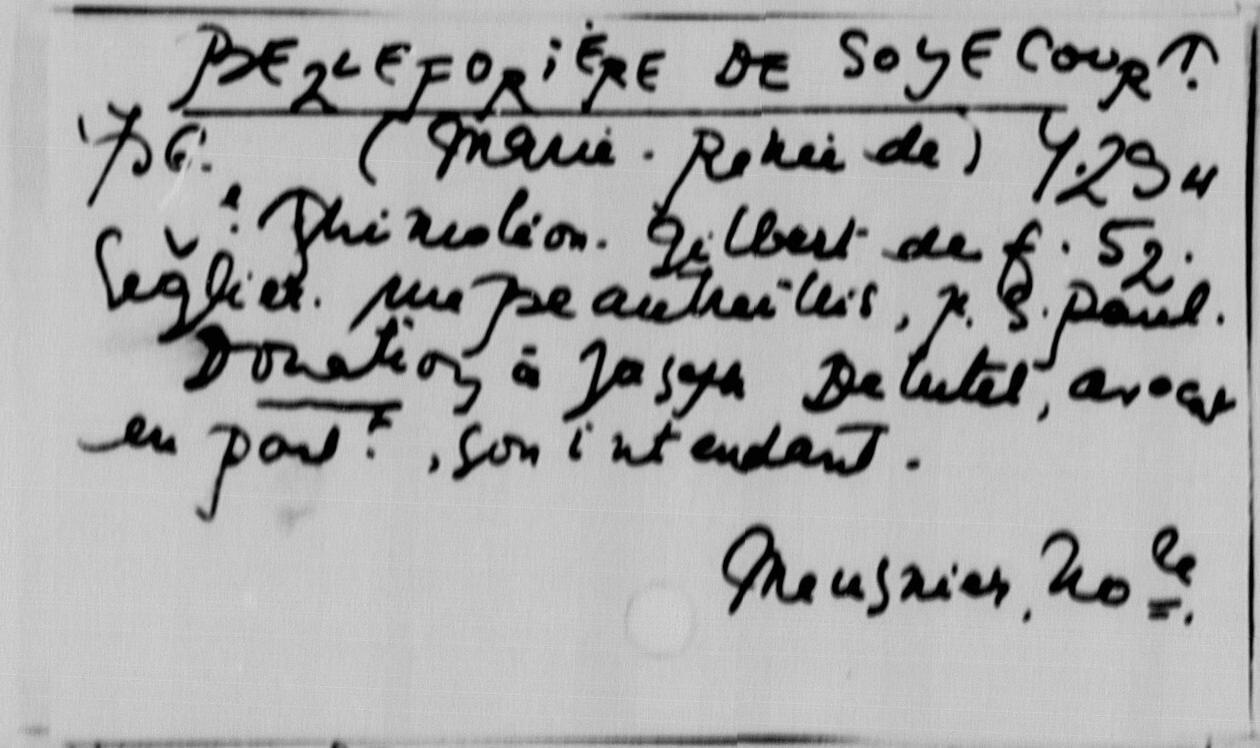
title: BELLEFORIÈRE DE SOYECOURT (Marie-Renée de)
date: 1716
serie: Y
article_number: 294
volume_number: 52
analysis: Veuve Thimoléon GILBERT de femme Séglier, rue Beautreillis, paroisse Saint-Paul. Donation à Joseph Delutel, avocat en Parlement, son intendant. Meusnier, notaire.
